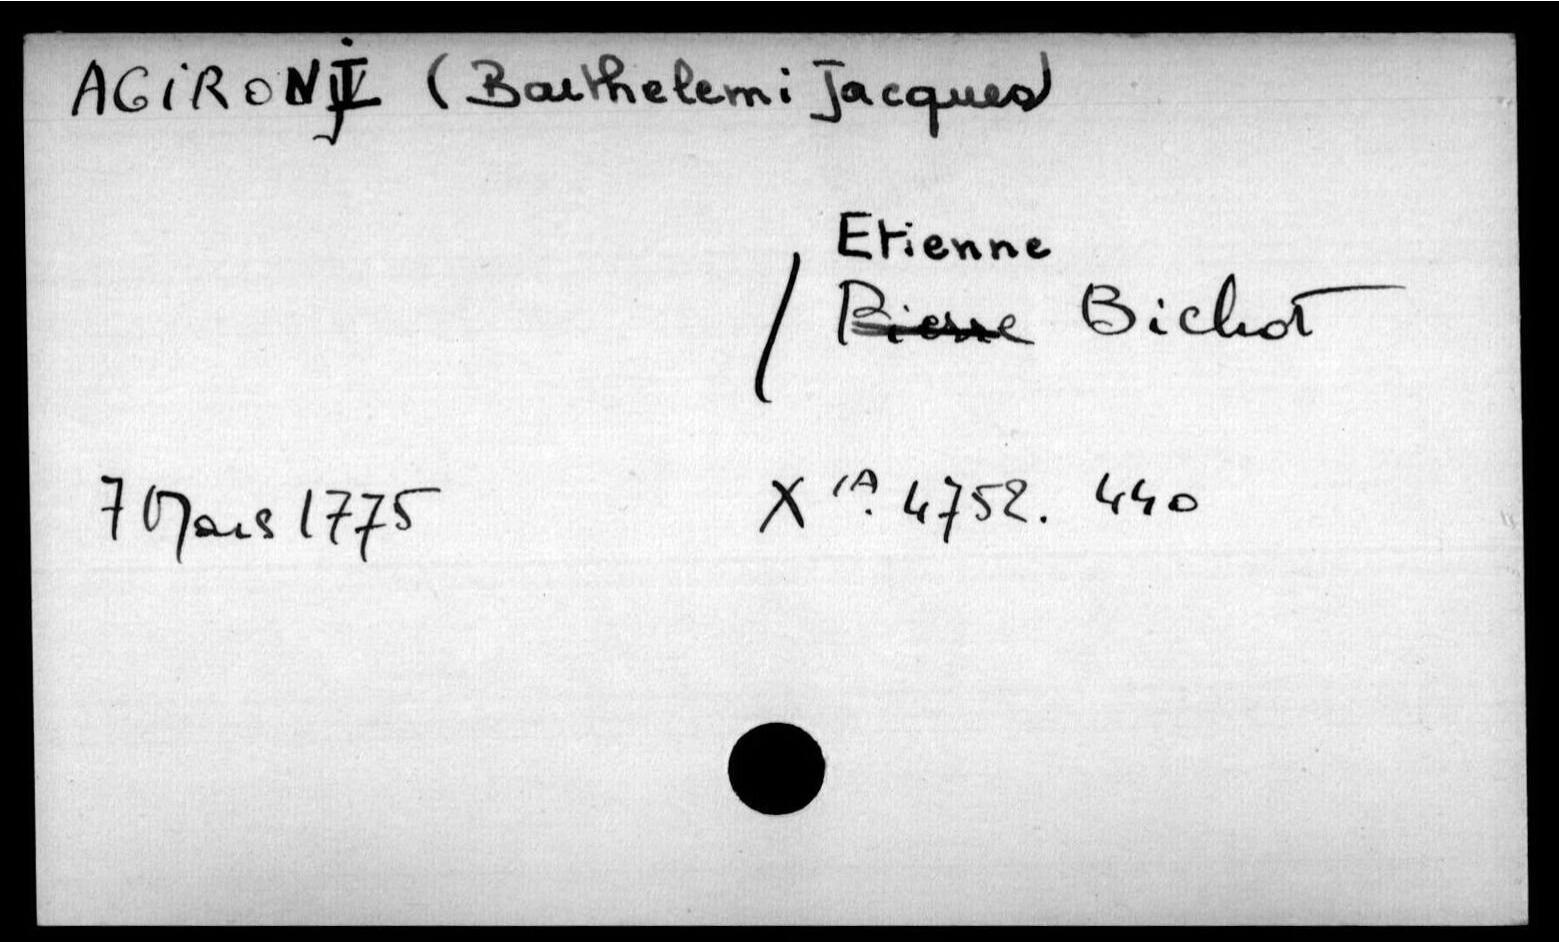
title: AGIRONI (Barthélémi Jacques)
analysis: Contre Étienne Bichot
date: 7 mars 1775
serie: X1A
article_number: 4752
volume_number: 440
